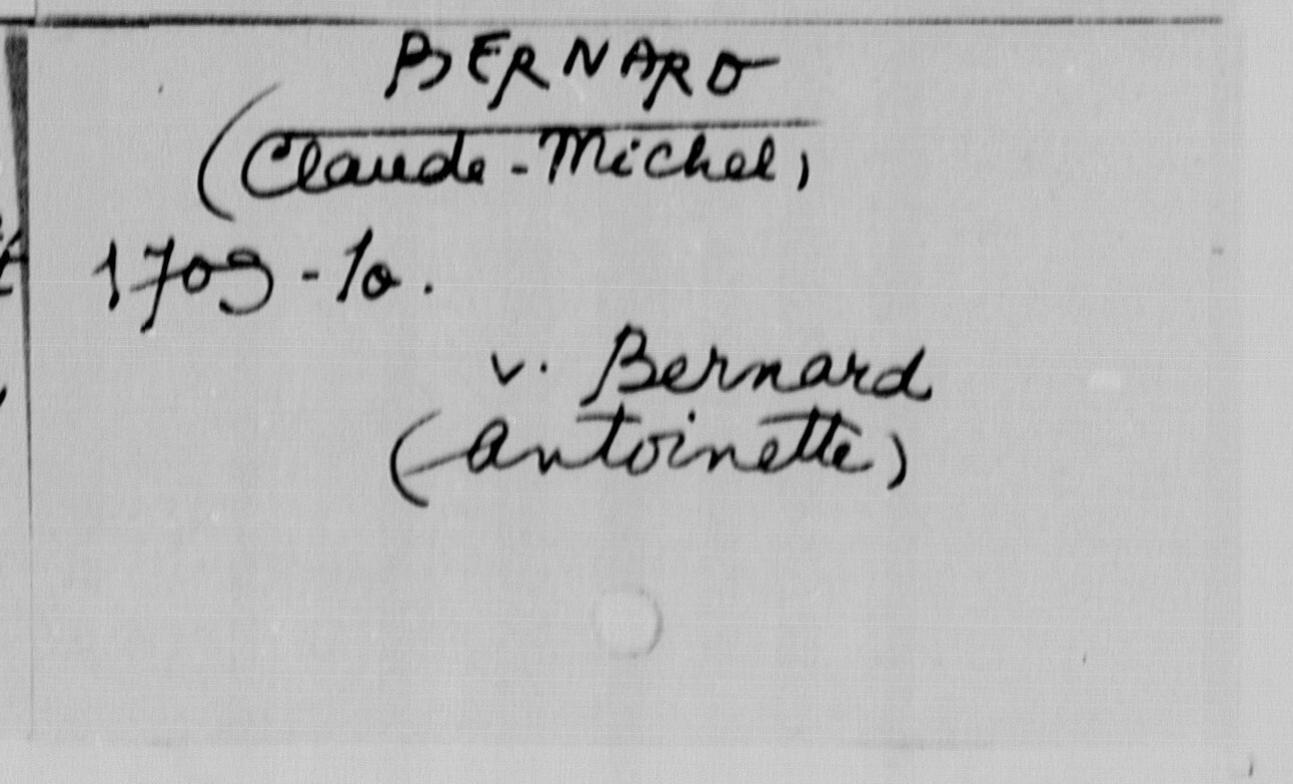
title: BERNARD (Claude-Michel)
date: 1709-1710
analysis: Voir BERNARD (Antoinette)
